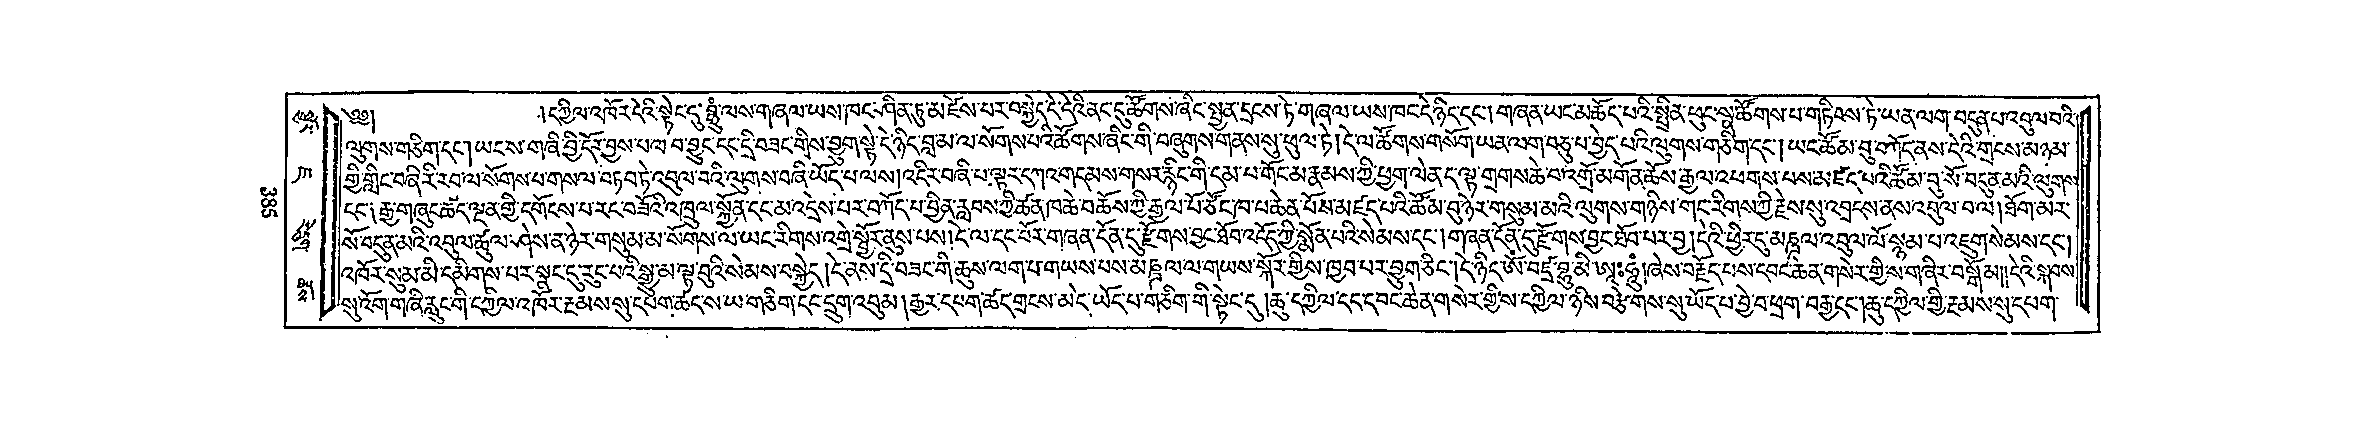༄༅། །དཀྱིལ་འཁོར་དེའི་སྟེང་དུ་བྷྲུཾ་ལས་གཞལ་ཡས་ཁང་ཤིན་ཏུ་མཛེས་པར་བསྐྱེད་དེ་དེའི་ནང་དུ་ཚོགས་ཞིང་སྤྱན་དྲངས་ཏེ་གཞལ་ཡས་ཁང་དེ་ཉིད་དང་། གཞན་ཡང་མཆོད་པའི་སྤྲིན་ཕུང་སྣ་ཚོགས་པ་གཏིབས་ཏེ་ཡན་ལག་བདུན་པ་འབུལ་བའི་
ལུགས་གཅིག་དང་། ཡང་ས་གཞི་བྱི་དོར་བྱས་པ་ལ་བ་བྱུང་དང་དྲི་བཟང་གིས་བྱུག་སྟེ་དེ་ཉིད་བླ་མ་ལ་སོགས་པའི་ཚོགས་ཞིང་གི་བཞུགས་གནས་སུ་ཕུལ་ཏེ། དེ་ལ་ཚོགས་གསོག་ཡན་ལག་བཅུ་པ་བྱེད་པའི་ལུགས་གཅིག་དང་། ཡང་ཚོམ་བུ་བཀོད་ནས་དེའི་གྲངས་མཉམ་
གྱི་གླིང་བཞི་རི་རབ་ལ་སོགས་པ་གསལ་བཏབ་ཏེ་འབུལ་བའི་ལུགས་བཞི་ཡོད་པ་ལས། འདིར་བཞི་པ་ལྟར་དཀའ་གདམས་གསར་རྙིང་གི་དམ་པ་གོང་མ་རྣམས་ཀྱི་ཕྱག་ལེན་ད་ལྟ་གྲགས་ཆེ་བ་འགྲོ་མགོན་ཆོས་རྒྱལ་འཕགས་པས་མཛད་པའི་ཚོམ་བུ་སོ་བདུན་མའི་ལུགས་
དང་། རྒྱ་གཞུང་ཚད་ལྡན་གྱི་དགོངས་པ་རང་བཟོའི་འཁྲུལ་སྐྱོན་དང་མ་འདྲེས་པར་བཀོད་པ་བྱིན་རླབས་ཀྱི་ཚན་ཁ་ཆེ་བ་ཆོས་ཀྱི་རྒྱལ་པོ་ཙོང་ཁ་པ་ཆེན་པོས་མཛད་པའི་ཚོམ་བུ་ཉེར་གསུམ་མའི་ལུགས་གཉིས་གང་རིགས་ཀྱི་རྗེས་སུ་འབྲངས་ནས་འབུལ་བ་ལ། ཐོག་མར་
སོ་བདུན་མའི་འབུལ་ཚུལ་ཤེས་ན་ཉེར་གསུམ་མ་སོགས་ལ་ཡང་རིགས་འགྲེ་སྦྱོར་ནུས་པས། དེ་ལ་དང་པོར་གཞན་དོན་དུ་རྫོགས་བྱང་ཐོབ་འདོད་ཀྱི་སྨོན་པའི་སེམས་དང་། གཞན་དོན་དུ་རྫོགས་བྱང་ཐོབ་པར་བྱ། དེའི་ཕྱིར་དུ་མཎྜལ་འབུལ་ལོ་སྙམ་པ་འཇུག་སེམས་དང་།
འཁོར་སུམ་མི་དམིགས་པར་སྣང་དུ་རུང་པའི་སྒྱུ་མ་ལྟ་བུའི་སེམས་བསྐྱེད། དེ་ནས་དྲི་བཟང་གི་ཆུས་ལག་པ་གཡས་པས་མཎྜལ་ལ་གཡས་སྐོར་གྱིས་ཁྱབ་པར་བྱུག་ཅིང་། དེ་ཉིད་ཨོཾ་བྫྲ་བྷུ་མི་ཨཱཿ ཧཱུཾ། ཞེས་བརྗོད་པས་དབང་ཆེན་གསེར་གྱི་ས་གཞིར་བསྒོམ། །དེའི་སྐབས་
སུ་འོག་གཞི་རླུང་གི་དཀྱིལ་འཁོར་རྔམས་སུ་དཔག་ཚད་ས་ཡ་གཅིག་དང་དྲུག་འབུམ། རྒྱར་དཔག་ཚད་གྲངས་མེད་ཡོད་པ་གཅིག་གི་སྟེང་དུ། ཆུ་དཀྱིལ་དང་དབང་ཆེན་གསེར་གྱི་ས་དཀྱིལ་ཉིས་བརྩེགས་སུ་ཡོད་པ་བྱེ་བ་ཕྲག་བརྒྱ་དང་། ཆུ་དཀྱིལ་གྱི་རྔམས་སུ་དཔག་